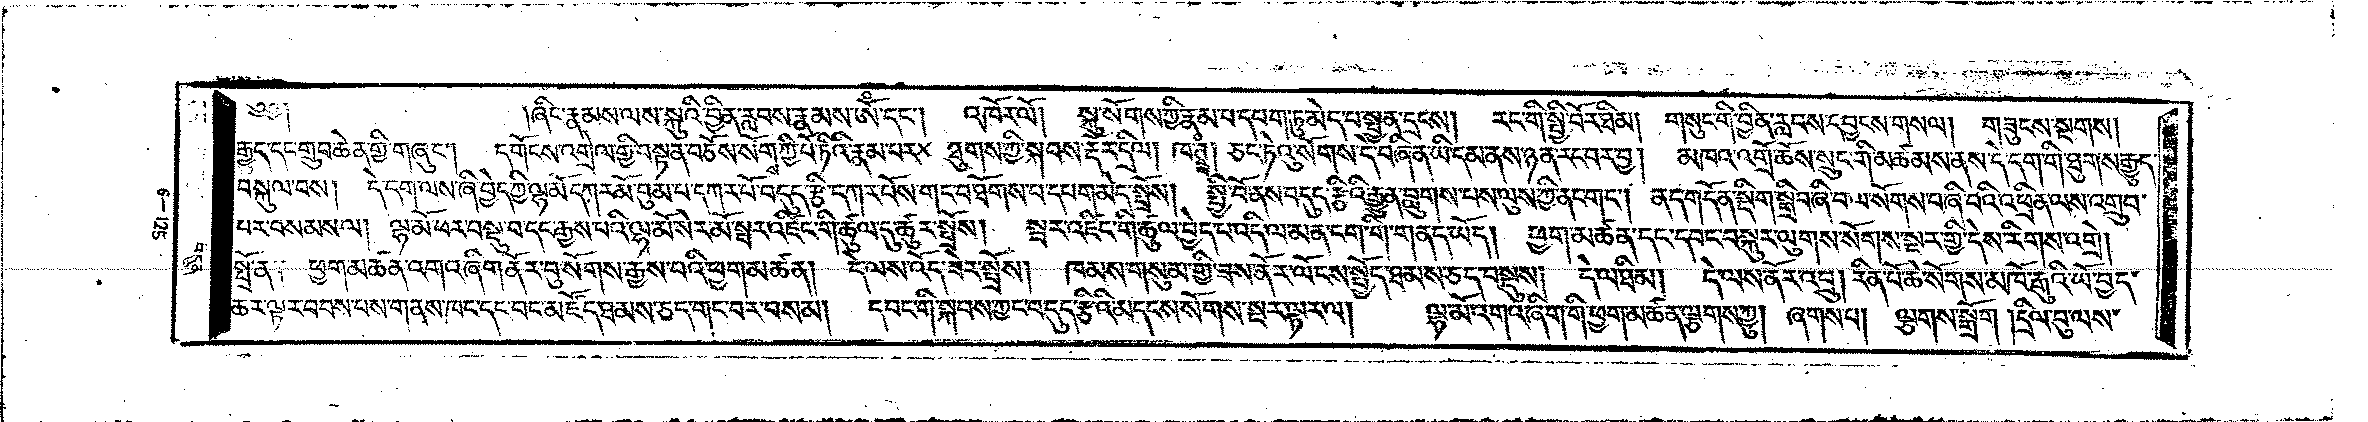༄༅། །ཞིང་རྣམས་ལས་སྐུའི་བྱིན་རླབས་རྣམས་ཨོཾ་དང་། འཁོར་ལོ། སྐུ་སོགས་ཀྱི་རྣམ་པ་དཔག་ཏུ་མེད་པ་སྤྱན་དྲངས། རང་གི་སྤྱི་བོར་ཐིམ། གསུང་གི་བྱིན་རླབས་དབྱངས་གསལ། གཟུངས་སྔགས།
རྒྱུད་དང་གྲུབ་ཆེན་གྱི་གཞུང་། དགོངས་འགྲེལ་གྱི་བསྟན་བཅོས་སོགས་ཀྱི་པོ་ཏིའི་རྣམ་པར་྾་ཐུགས་ཀྱི་སྐབས་རྡོར་དྲིལ། ཁ་ཊྭཱཾ། ཅང་ཏེའུ་སོགས་དེ་བཞིན་ཡི་དམ་ནས་ཉན་རང་བར་བྱ། མཁའ་འགྲོ་ཆོས་སྲུང་གི་མཚམས་ནས་དེ་དག་གི་ཐུགས་རྒྱུད་
བསྐུལ་བས། དེ་དག་ལས་ཞི་བྱེད་ཀྱི་ལྷ་མོ་དཀར་མོ་བུམ་པ་དཀར་པོ་བདུད་རྩི་དཀར་པོས་གང་བ་ཐོགས་པ་དཔག་མེད་སྤྲོས། སྤྱི་བོ་ནས་བདུད་རྩིའི་རྒྱུན་བླུགས་པས་ལུས་ཀྱི་ནང་གང་། ནད་གདོན་སྡིག་སྒྲིབ་ཞི་བ་ལ་སོགས་པ་ཞི་བའི་འཕྲིན་ལས་འགྲུབ་
པར་བསམས་ལ། ལྷ་མོ་ཕར་བསྡུ་བ་དང་རྒྱས་པའི་ལྷ་མོ་སེར་མོ་སྦར་འཛིང་གི་ཚུལ་དུ་ཚུར་སྤྲོས། སྦར་འཛིང་གི་ཚུལ་བྱེད་པ་འདི་ལ་མན་ངག་གི་གནད་ཡོད། ཕྱག་མཚན་དང་དབང་བསྐུར་ལུགས་སོགས་སྔར་གྱི་དེས་རིགས་འགྲེ།
སྤྲོ་ན༑ ཕྱག་མཚན་འགའ་ཞིག་ནོར་བུ་སོགས་རྒྱས་པའི་ཕྱག་མཚན། དེ་ལས་འོད་ཟེར་སྤྲོས། ཁམས་གསུམ་གྱི་ཟས་ནོར་ལོངས་སྤྱོད་ཐམས་ཅད་བསྡུས། དེ་ལ་ཐིམ། དེ་ལས་ནོར་འདྲུ། རིན་པོ་ཆེ་སོགས་མཁོ་རྒུའི་ཡོ་བྱད་
ཆར་ལྟར་བབས་པས་གནས་ཁང་དང་བང་མཛོད་ཐམས་ཅད་གང་བར་བསམ། དབང་གི་སྐབས་ཀྱང་བདུད་རྩིའི་མདངས་སོགས་སྔར་ལྟར་ལ། ལྷ་མོ་འགའ་ཞིག་གི་ཕྱག་མཚན་ལྕགས་ཀྱུ། ཞགས་པ། ལྕགས་སྒྲོག །དྲིལ་བུ་ལས་